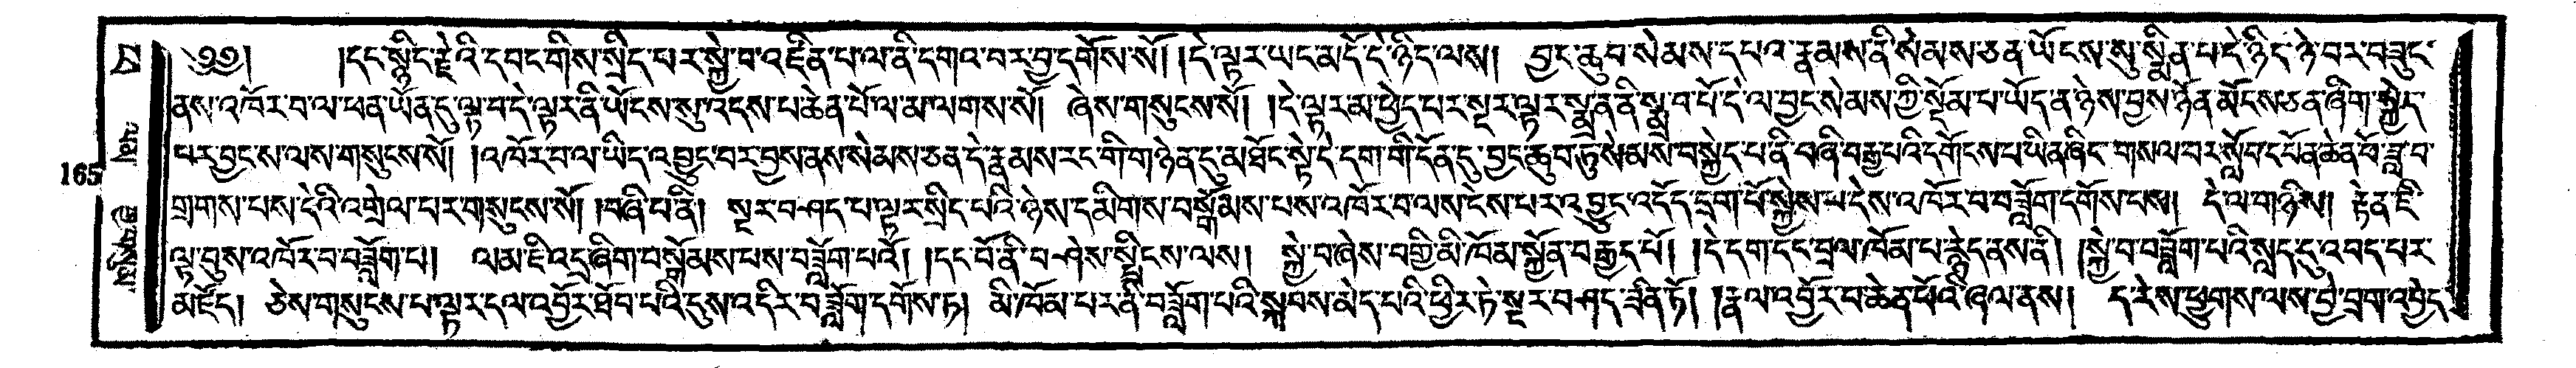༄༅། །དང་སྙིང་རྗེའི་དབང་གིས་སྲིད་པར་སྐྱེ་བ་འཛིན་པ་ལ་ནི་དགའ་བར་བྱ་དགོས་སོ། །དེ་ལྟར་ཡང་མདོ་དེ་ཉིད་ལས། བྱང་ཆུབ་སེམས་དཔའ་རྣམས་ནི་སེམས་ཅན་ཡོངས་སུ་སྨིན་པ་དེ་ཉིད་ཉེ་བར་བཟུང་
ནས་འཁོར་བ་ལ་ཕན་ཡོན་དུ་ལྟ་བ་དེ་ལྟར་ནི་ཡོངས་སུ་འདས་པ་ཆེན་པོ་ལ་མ་ལགས་སོ། །ཞེས་གསུངས་སོ། །དེ་ལྟར་མ་ཕྱེད་པར་སྔར་ལྟར་སྨྲ་ན་ནི་སྨྲ་བ་པོ་དེ་ལ་བྱང་སེམས་ཀྱི་སྡོམ་པ་ཡོད་ན་ཉེས་བྱས་ཉོན་མོངས་ཅན་ཞིག་སྐྱེད་
པར་བྱང་ས་ལས་གསུངས་སོ། །འཁོར་བ་ལ་ཡིད་འབྱུང་བར་བྱས་ནས་སེམས་ཅན་དེ་རྣམས་རང་གི་གཉེན་དུ་མཐོང་སྟེ་དེ་དག་གི་དོན་དུ་བྱང་ཆུབ་ཏུ་སེམས་བསྐྱེད་པ་ནི་བཞི་བརྒྱ་པའི་དགོངས་པ་ཡིན་ཞིང་གསལ་བར་སློབ་དཔོན་ཆེན་ཕོ་ཟླ་བ་
གྲགས་པས་དེའི་འགྲེལ་པར་གསུངས་སོ། །བཞི་པ་ནི། སྔར་བཤད་པ་ལྟར་སྲིད་པའི་ཉེས་དམིགས་བསྒོམས་པས་འཁོར་བ་ལས་ངེས་པར་འབྱུང་འདོད་དྲག་པོ་སྐྱེས་པ་དེས་འཁོར་བ་བཟློག་དགོས་པས། དེ་ལ་གཉིས། རྟེན་ཇི་
ལྟ་བུས་འཁོར་བ་བཟློག་པ། ལམ་ཇི་འདྲ་ཞིག་བསྒོམས་པས་བཟློག་པའོ། །དང་པོ་ནི་བཤེས་སྤྲིངས་ལས། སྐྱེ་བ་ཞེས་བགྱི་མི་ཁོམ་སྐྱོན་བརྒྱད་པོ། །དེ་དག་དང་བྲལ་ཁོམ་པ་རྙེད་ནས་ནི། །སྐྱེ་བ་བཟློག་པའི་སླད་དུ་འབད་པར་
མཛོད། ཅེས་གསུངས་པ་ལྟར་དལ་འབྱོར་ཐོབ་པའི་དུས་འདིར་བཟློག་དགོས་ཏ། མི་ཁོམ་པར་ནི་བཟློག་པའི་སྐབས་མེད་པའི་ཕྱིར་ཏེ་སྔར་བཤད་ཟིན་ཏོ། །རྣལ་འབྱོར་བ་ཆེན་པོའི་ཞལ་ནས། ད་རེས་ཕྱུགས་ལས་བྱེ་བྲག་འབྱེད་